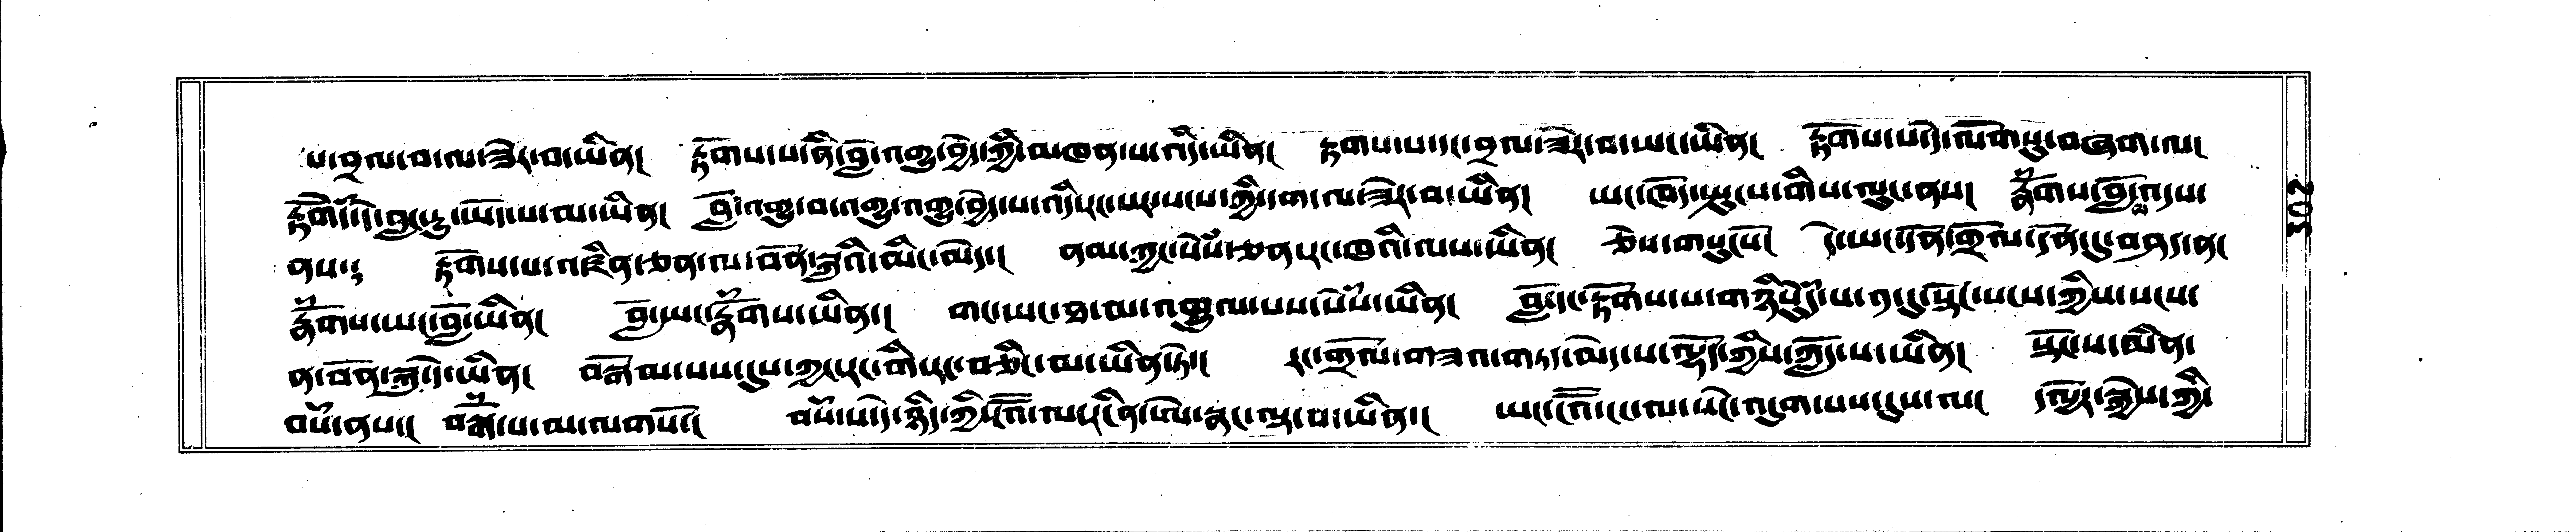པ་དང་བྲལ་བ་ལ་ཟེར་བ་ཡིན། རྟོགས་པ་ནི་བློ་འགྱུ་བྱེད་ཀྱིས་མཁན་པོ་འདི་ཡིན། རྟོག་པ་དང་བྲལ་ཟེར་བ་ཡང་། རྟོག་པ་དེ་ལོགས་སུ་བཞག་ལ།
 རྟོག་མེད་དེ་བླང་རྒྱུ་ཡོད་པ་མ་ཡིན་ཏེ། བློ་འགྱུ་བ་ཀྱུ་ཀྱུ་བྱེད་པ་འདི། རང་སངས་ཀྱིས་དག་པ་ལ་ཟེར་བ་ཡིན། ཡང་ཁོད་སྤུངས་ཀྱིས་ལུང་ནས། རྣམ་རྟོག་བློ་ལས་མ་འདས་
ན། རྟོག་འཛིན་ཅན་ལ་བོན་སྐུའི་མིང་མེད། ནམ་ཀྱང་༼ཡང་༽སེམས་ཅན་རང་ཀའི་ལས་ཡིན་ཅེས་གསུངས་སོ། དེ་ཡང་བཀྲོལ་དོན་དུ་བཤད་ན། 
རྣམ་རྟོག་ཀྱང་བློ་ཡིན་ལ། བློ་ཡང་རྣམ་རྟོག་ཡིན། གང་ཡང་ཐ་མལ་འཁྲུལ་པའི་སེམས་ཡིན། བློ་དང་རྟོག་པ་གཉིས་སུ་མེད་པར་སྟོང་སངས་ཀྱིས་སོང་
ན་བོན་སྐུ་དེ་ཡིན། སྒོམས་པའི་དུས་ཀྱང་རང་གིས་རང་བཅིང་བ་མ་ཡིན་སྟེ། རང་གྲོལ་གཟའ་གཏད་མེད་པར་ལྷོད་ཀྱིས་ཀློད་པ་ཡིན། སྟོང་པ་
བསམ་ནས་སྒོམས་པ་མ་ཡིན་ཏེ། བསམ་པ་དེ་ཉིད་ཀྱིས་ངོའོ་ལ་རང་བཞིན་ཨེ་སྣང་ལྟ་བ་ཡིན། ཡང་ངོའོ་ཡི་ངང་ལ་སང་ངེ་འདུག་པའི་དུས་ལ་ཐོལ་སྐྱེས་ཀྱིས་